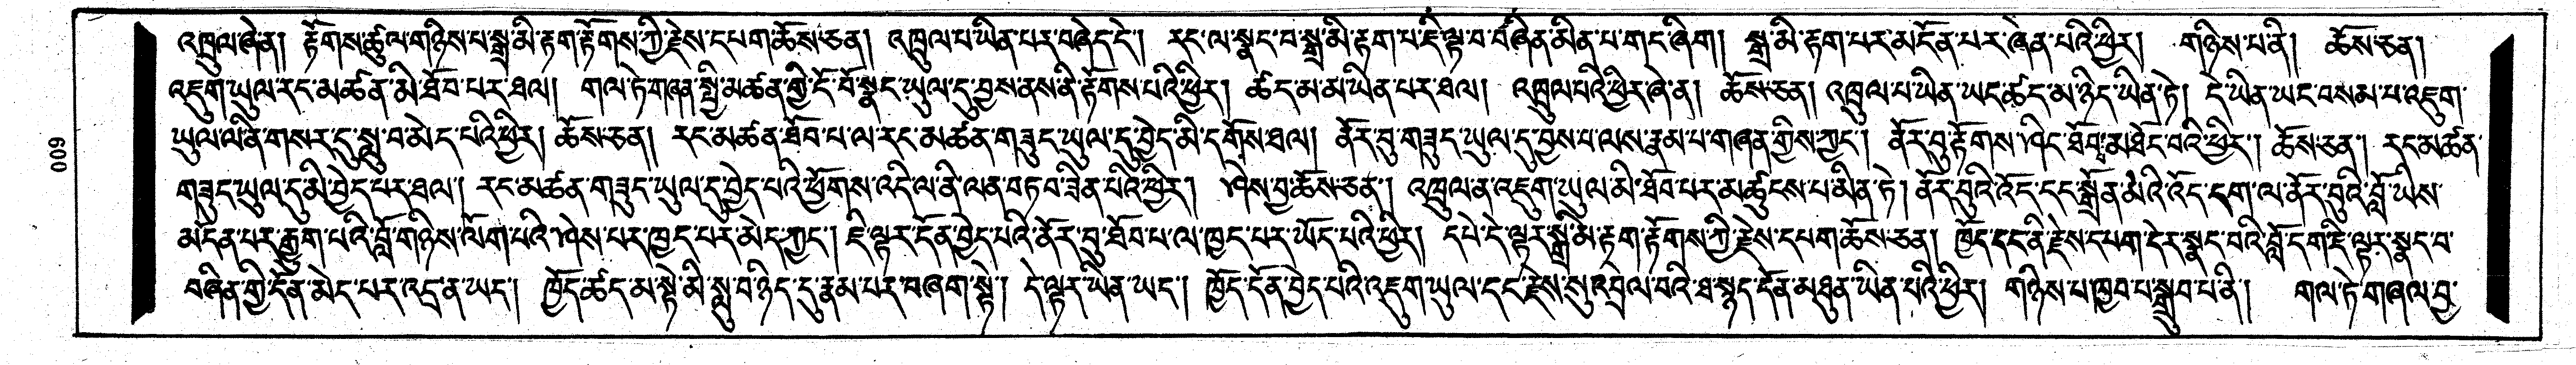འཁྲུལ་ཞེ་ན། རྟོགས་ཚུལ་གཉིས་པ་སྒྲ་མི་རྟག་རྟོགས་ཀྱི་རྗེས་དཔག་ཆོས་ཅན། འཁྲུལ་པ་ཡིན་པར་བཞེད་དེ། རང་ལ་སྣང་བ་སྒྲ་མི་རྟག་པ་ཇི་ལྟ་བ་བཞིན་མིན་པ་གང་ཞིག། སྒྲ་མི་རྟག་པར་མངོན་པར་ཞེན་པའི་ཕྱིར། གཉིས་པ་ནི། ཆོས་ཅན།
འཇུག་ཡུལ་རང་མཚན་མི་ཐོབ་པར་ཐལ། གལ་ཏེ་གཞན་སྤྱི་མཚན་གྱི་ངོ་བོ་སྣང་ཡུལ་དུ་བྱས་ནས་ནི་རྟོགས་པའི་ཕྱིར། ཚད་མ་མ་ཡིན་པར་ཐལ། འཁྲུལ་པའི་ཕྱིར་ཞེ་ན། ཆོས་ཅན། འཁྲུལ་པ་ཡིན་ཡང་ཚད་མ་ཉིད་ཡིན་ཏེ། དེ་ཡིན་ཡང་བསམ་པ་འཇུག་
ཡུལ་ལ་ནི་གསར་དུ་སླུ་བ་མེད་པའི་ཕྱིར། ཆོས་ཅན། རང་མཚན་ཐོབ་པ་ལ་རང་མཚན་གཟུང་ཡུལ་དུ་བྱེད་མི་དགོས་ཐལ། ནོར་བུ་གཟུང་ཡུལ་དུ་བྱས་པ་ལས་རྣམ་པ་གཞན་གྱིས་ཀྱང་། ནོར་བུ་རྟོགས་ཤིང་ཐོབ་བ་མཐོང་བའི་ཕྱིར། ཆོས་ཅན། རང་མཚན་
གཟུང་ཡུལ་དུ་མི་བྱེད་པར་ཐལ། རང་མཚན་གཟུང་ཡུལ་དུ་བྱེད་པའི་ཕྱོགས་འདི་ལ་ནི་ལན་བཏབ་ཟིན་པའི་ཕྱིར། ཤེས་བྱ་ཆོས་ཅན། འཁྲུལ་ན་འཇུག་ཡུལ་མི་ཐོབ་པར་མཚུངས་པ་མིན་ཏེ། ནོར་བུའི་འོད་དང་སྒྲོན་མེའི་འོད་དག་ལ་ནོར་བུའི་བློ་ཡིས་
མདོན་པར་རྒྱུག་པའི་བློ་གཉིས་ལོག་པའི་ཤེས་པར་ཁྱད་པར་མེད་ཀྱང་། ཇི་ལྟར་དོན་བྱེད་པའི་ནོར་བུ་ཐོབ་པ་ལ་ཁྱད་པར་ཡོད་པའི་ཕྱིར། དཔེ་དེ་ལྟར་སྒྲ་མི་རྟག་རྟོགས་ཀྱི་རྗེས་དཔག་ཆོས་ཅན། ཁྱོད་དང་ནི་རྗེས་དཔག་དེར་སྣང་བའི་བློ་དག་ཇི་ལྟར་སྣད་བ་
བཞིན་གྱི་དོན་མེད་པར་འདྲ་ན་ཡང་། ཁྱོད་ཚད་མ་སྟེ་མི་སླུ་བ་ཉིད་དུ་རྣམ་པར་བཞག་སྟེ། དེ་ལྟར་ཡིན་ཡང་། ཁྱོད་དོན་བྱེད་པའི་འཇུག་ཡུལ་དང་རྗེས་སུ་འབྲེལ་བའི་ཐ་སྙད་དོན་མཐུན་ཡིན་པའི་ཕྱིར། གཉིས་པ་ཁྱབ་པ་སྒྲུབ་པ་ནི། གལ་ཏེ་གཞལ་བྱ་